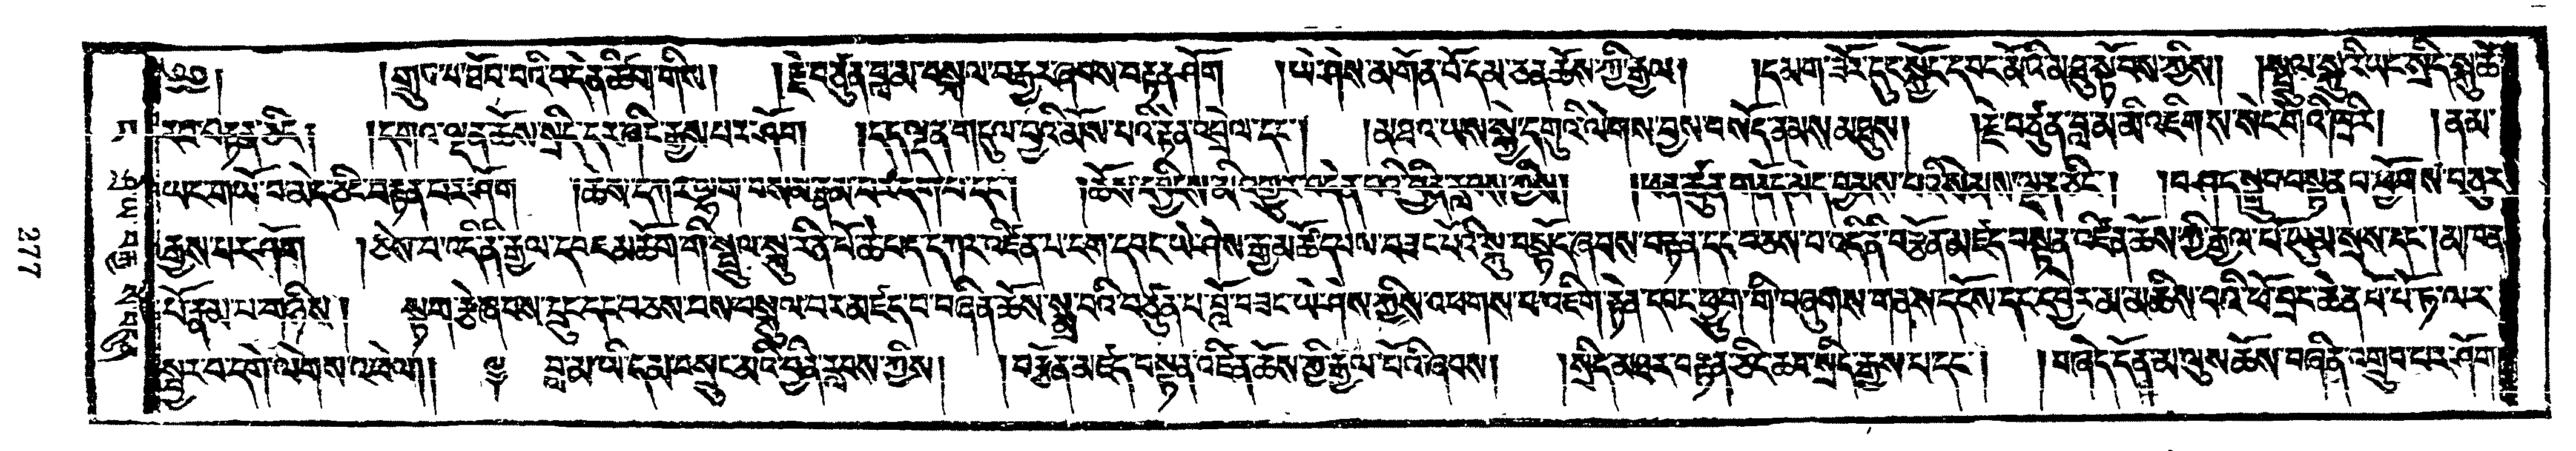༄༅། །གྲུབ་པ་ཐོབ་པའི་བདེན་ཚིག་གིས། །རྗེ་བཙུན་བླ་མ་བསྐལ་བརྒྱར་ཞབས་བརྟན་ཤོག །ཡེ་ཤེས་མགོན་བོ་དམ་ཅན་ཆོས་ཀྱི་རྒྱལ། །དམག་ཟོར་དུང་སྐྱོང་དབང་མོའི་མཐུ་སྟོབས་ཀྱིས། །སྤྲུལ་སྐུའི་ཡང་སྲིད་སྐུ་ཚེ་
རབ་བརྟན་ཅིང་། །དགའ་ལྡན་ཆོས་སྲིད་དར་ཞིང་རྒྱས་པར་ཤོག །དད་ལྡན་གདུལ་བྱའི་མོས་པའི་རྟེན་འབྲེལ་དང་། །མཐའ་ཡས་སྐྱེ་དགུའི་ལེགས་བྱས་བསོད་ནམས་མཐུས། །རྗེ་བཙུན་བླ་མ་མི་འཇིགས་སེང་གེའི་ཁྲ་རི། །ནམ་
ཡང་གཡོ་བ་མེད་ཅིང་བརྟན་པར་ཤོག །ཆེས་དཀར་ལྷག་བསམ་རྣམ་པར་དག་པ་དང་། །ཆོས་དབྱིངས་མི་འགྱུར་བདེན་པའི་བྱིན་རླབས་ཀྱིས། །ཕན་ཚུན་གནོད་མེད་བྱམས་པའི་སེམས་ལྡན་ཅིང་། །བཤད་སྒྲུབ་བསྟན་པ་ཕྱོགས་བཅུར་
རྒྱས་པར་ཤོག །ཅེས་པ་འདི་ནི་རྒྱལ་དབང་མཆོག་གི་སྤྲུལ་སྐུ་རིན་པོ་ཆེ་པད་དཀར་འཛིན་པ་ངག་དབང་ཡེ་ཤེས་རྒྱ་མཚོ་དཔལ་བཟང་པོའི་སྐུ་བསྟོད་ཞབས་བརྟན་དང་བཅས་པ་འདི་ནི་བརྩོན་མཛད་བསྟན་འཛིན་ཆོས་ཀྱི་རྒྱལ་པོ་ཡུམ་སྲས་དང་། མཁན་
པོ་རྣམ་པ་གཉིས། སྟག་རྩེ་ཞབས་དྲུང་དང་བཅས་པས་བསྐུལ་བར་མཛད་པ་བཞིན་ཆོས་སྨྲ་བའི་བཙུན་པ་བློ་བཟང་ཡེ་ཤེས་ཀྱིས་འཕགས་པ་འཇིག་རྟེན་དབང་ཕྱུག་གི་བཞུགས་གནས་དངོས་དང་དབྱེར་མ་མཆིས་པའི་ཕོ་བྲང་ཆེན་པོ་པོ་ཏ་ལར་
སྦྱར་བ་དགེ་ལེགས་འཕེལ།། ༈ བླ་མ་ཡི་དམ་བསྲུང་མའི་བྱིན་རླབས་ཀྱིས། །བརྩོན་མཛད་བསྟན་འཛིན་ཆོས་ཀྱི་རྒྱལ་པོའི་ཞབས། །སྲིད་མཐར་བརྟན་ཅིང་ཆབ་སྲིད་རྒྱས་པ་དང་། །བཞེད་དོན་མ་ལུས་ཆོས་བཞིན་འགྲུབ་པར་ཤོག།